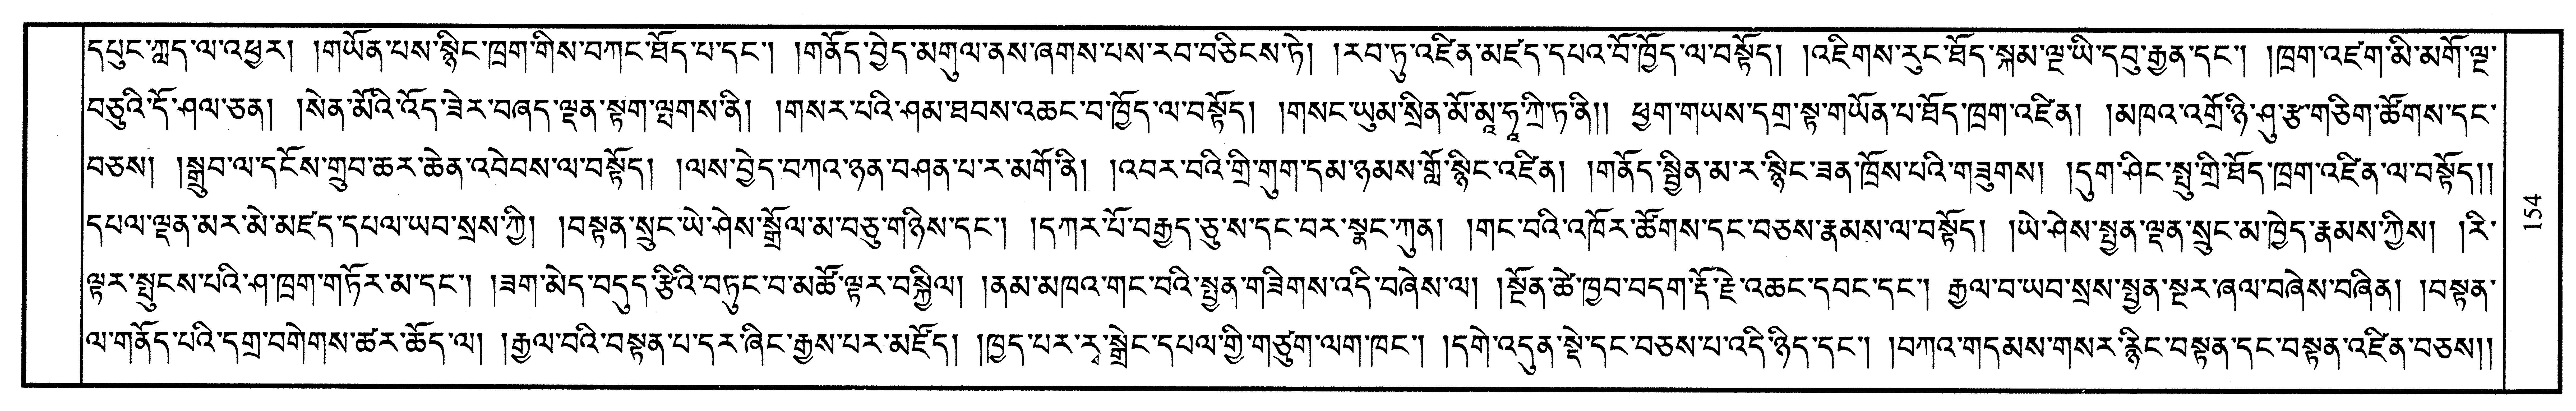དཔུང་ཀླད་ལ་འཕྱར། །གཡོན་པས་སྙིང་ཁྲག་གིས་བཀང་ཐོད་པ་དང་། །གནོད་བྱེད་མགུལ་ནས་ཞགས་པས་རབ་བཅིངས་ཏེ། །རབ་ཏུ་འཛིན་མཛད་དཔའ་བོ་ཁྱོད་ལ་བསྟོད། །འཇིགས་རུང་ཐོད་སྐམ་ལྔ་ཡི་དབུ་རྒྱན་དང་། །ཁྲག་འཛག་མི་མགོ་ལྔ་
བཅུའི་དོ་ཤལ་ཅན། །སེན་མོའི་འོད་ཟེར་བཞད་ལྡན་སྟག་ལྤགས་ནི། །གསར་པའི་ཤམ་ཐབས་འཆང་བ་ཁྱོད་ལ་བསྟོད། །གསང་ཡུམ་སྲིན་མོ་མཱ་ཧཱ་ཀྲི་ཏ་ནི།། ཕྱག་གཡས་དགྲ་སྟ་གཡོན་པ་ཐོད་ཁྲག་འཛིན། །མཁའ་འགྲོ་ཉི་ཤུ་རྩ་གཅིག་ཚོགས་དང་
བཅས། །སྒྲུབ་ལ་དངོས་གྲུབ་ཆར་ཆེན་འབེབས་ལ་བསྟོད། །ལས་བྱེད་བཀའ་ཉན་བཤན་པ་ར་མགོ་ནི། །འབར་བའི་གྲི་གུག་དམ་ཉམས་གློ་སྙིང་འཛིན། །གནོད་སྦྱིན་མ་ར་སྙིང་ཟན་ཁྲོས་པའི་གཟུགས། །དུག་ཤིང་སྤུ་གྲི་ཐོད་ཁྲག་འཛིན་ལ་བསྟོད།།
དཔལ་ལྡན་མར་མེ་མཛད་དཔལ་ཡབ་སྲས་ཀྱི། །བསྟན་སྲུང་ཡེ་ཤེས་སྒྲོལ་མ་བཅུ་གཉིས་དང་། །དཀར་པོ་བརྒྱད་ཅུ་ས་དང་བར་སྣང་ཀུན། །གང་བའི་འཁོར་ཚོགས་དང་བཅས་རྣམས་ལ་བསྟོད། །ཡེ་ཤེས་སྤྱན་ལྡན་སྲུང་མ་ཁྱེད་རྣམས་ཀྱིས། །རི་
ལྟར་སྤུངས་པའི་ཤ་ཁྲག་གཏོར་མ་དང་། །ཟག་མེད་བདུད་རྩིའི་བཏུང་བ་མཚོ་ལྟར་བསྐྱིལ། །ནམ་མཁའ་གང་བའི་སྤྱན་གཟིགས་འདི་བཞེས་ལ། །སྔོན་ཚེ་ཁྱབ་བདག་རྡོ་རྗེ་འཆང་དབང་དང་། །རྒྱལ་བ་ཡབ་སྲས་སྤྱན་སྔར་ཞལ་བཞེས་བཞིན། །བསྟན་
ལ་གནོད་པའི་དགྲ་བགེགས་ཚར་ཆོད་ལ། །རྒྱལ་བའི་བསྟན་པ་དར་ཞིང་རྒྱས་པར་མཛོད། །ཁྱད་པར་རྭ་སྒྲེང་དཔལ་གྱི་གཙུག་ལག་ཁང་། །དགེ་འདུན་སྡེ་དང་བཅས་པ་འདི་ཉིད་དང་། །བཀའ་གདམས་གསར་རྙིང་བསྟན་དང་བསྟན་འཛིན་བཅས།།